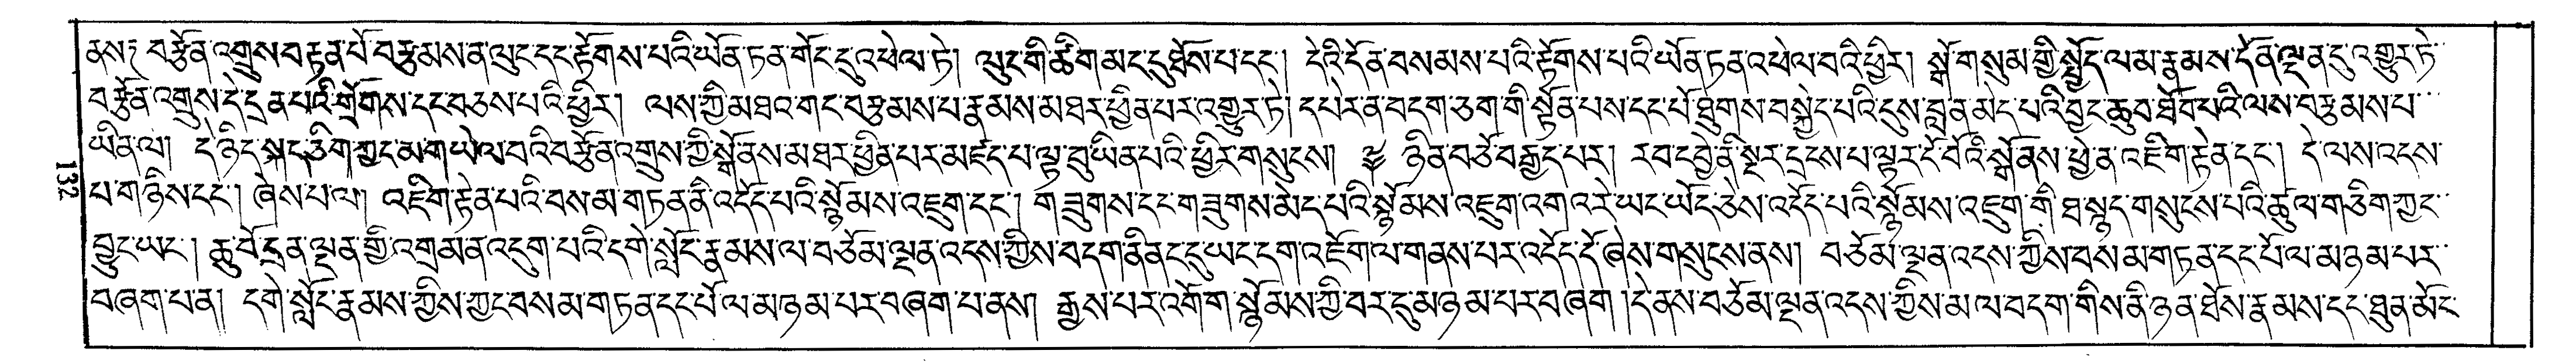ནས༑ བརྩོན་འགྲུས་བརྟན་པོ་བརྩམས་ན་ལུང་དང་རྟོགས་པའི་ཡོན་ཏན་གོང་དུ་འཕེལ་ཏེ། ལུང་གི་ཚིག་མང་དུ་ཐོས་པ་དང་། དེའི་དོན་བསམས་པའི་རྟོགས་པའི་ཡོན་ཏན་འཕེལ་བའི་ཕྱིར། སྒོ་གསུམ་གྱི་སྤྱོད་ལམ་རྣམས་དོན་ལྡན་དུ་འགྱུར་ཏེ།
བརྩོན་འགྲུས་དེ་དྲན་པའི་གྲོགས་དང་བཅས་པའི་ཕྱིར། ལས་ཀྱི་མཐའ་གང་བརྩམས་པ་རྣམས་མཐར་ཕྱིན་པར་འགྱུར་ཏེ། དཔེར་ན་བདག་ཅག་གི་སྟོན་པས་དང་པོ་ཐུགས་བསྐྱེད་པའི་དུས་བླ་ན་མེད་པའི་བྱང་ཆུབ་ཐོབ་པའི་ལས་བརྩམས་པ་
ཡིན་ལ། དེ་ཉིད་སྐད་ཅིག་ཀྱང་མི་གཡེལ་བའི་བརྩོན་འགྲུས་ཀྱི་སྒོ་ནས་མཐར་ཕྱིན་པར་མཛད་པ་ལྟ་བུ་ཡིན་པའི་ཕྱིར་གསུངས། ༈ ཉིན་བཅོ་བརྒྱད་པར། རབ་དབྱེ་ནི་སྔར་དྲངས་པ་ལྟར་ངོ་བོའི་སྒོ་ནས་ཕྱེ་ན་འཇིག་རྟེན་དང་། དེ་ལས་འདས་
པ་གཉིས་དང་། ཞེས་པ་ལ། འཇིག་རྟེན་པའི་བསམ་གཏན་ནི་འདོད་པའི་སྙོམས་འཇུག་དང་། གཟུགས་དང་གཟུགས་མེད་པའི་སྙོམས་འཇུག་འགའ་རེ་ཡང་ཡོད་ཅེས་འདོད་པའི་སྙོམས་འཇུག་གི་ཐ་སྙད་གསུངས་པའི་ཚུལ་གཅིག་ཀྱང་
བྱུང་ཡང་། ཆུ་བོ་དྲན་ལྡན་གྱི་འགྲམ་ན་འདུག་པའི་དགེ་སློང་རྣམས་ལ་བཅོམ་ལྡན་འདས་ཀྱིས་བདག་ནི་ནང་དུ་ཡང་དག་འཇོག་ལ་གནས་པར་འདོད་དོ་ཞེས་གསུངས་ནས། བཅོམ་ལྡན་འདས་ཀྱིས་བསམ་གཏན་དང་པོ་ལ་མཉམ་པར་
བཞག་པ་ན། དགེ་སློང་རྣམས་ཀྱིས་ཀྱང་བསམ་གཏན་དང་པོ་ལ་མཉམ་པར་བཞག་པ་ནས། རྒྱས་པར་འགོག་ག་སྙོམས་ཀྱི་བར་དུ་མཉམ་པར་བཞག། དེ་ནས་བཅོམ་ལྡན་འདས་ཀྱིས་མ་ལ་བདག་གིས་ནི་ཉན་ཐོས་རྣམས་དང་ཐུན་མོང་